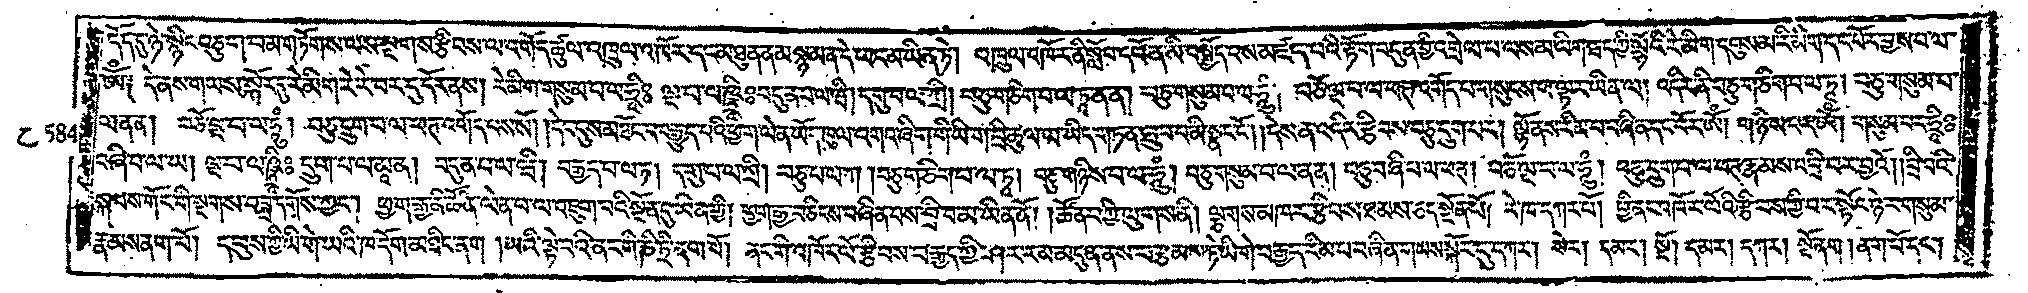དོད་དུ་ཉེ་སྙིང་བཅུག་པ་མ་གཏོགས་ལས་སྔགས་རྩིབས་ལ་འགོད་ཚུལ་འཁྲུལ་འཁོར་དང་མཐུན་ནམ་སྙམ་ན་དེ་ཡང་མ་ཡིན་ཏེ། འཁྲུལ་འཁོར་ནི་སློབ་དཔོན་མི་བགྱོད་པས་མཛད་པའི་རྟོག་བདུན་གྱི་འགྲེལ་པ་ལས་མ་ཡིག་ཐད་ཀྱི་ལྷའི་རེ་མིག་དབུས་མ་རི་མིག་དང་པོར་བྱས་པ་ལ་
ཨོཾ༑ དེ་ནས་གཡས་སྐོར་དུ་རེ་མིག་རེ་རེ་བར་དུ་དོར་ནས། རེ་མིག་གསུམ་པ་ལ་ཧྲཱིཿ ལྔ་པ་ལ་ཥྚྲཱིཿབདུན་པ་ལ་ཝི། དགུ་བ་ལ་ཀྲི། བཅུ་གཅིག་པ་ལ་ཏཱ་ན་ན། བཅུ་གསུམ་པ་ལ་ཧཱུཾ། བཅོ་ལྔ་པ་ལ་ཕཊ་འགོད་པ་གསུངས་པ་ལྟར་ཡིན་ལ། འདིར་ནི་བཅུ་གཅིག་པ་ལ་ཏཱ། བཅུ་གསུམ་པ་
ལ་ན་ན། བཅོ་ལྔ་པ་ལ་ཧཱུཾ། བཅུ་དྲུག་པ་ལ་ཕཊ་འགོད་པས་སོ། །དེང་དུས་མཐོང་བ་བརྒྱུད་པའི་ཕྱག་ལེན་ཡོད་ཁུལ་འགའ་ཞིག་གི་ཡི་ག་བྲི་ཚུལ་ལ་ཡིད་གཏན་ཐུབ་པ་མི་སྣང་ངོ། །དེས་ན་འདིར་རྩིབས་བཅུ་དྲུག་པར། ལྷོ་ནས་རིམ་པ་བཞིན་དང་པོར་ཨོཾ། གཉིས་པར་ཨོཾ། གསུམ་པར་ཧྲཱིཿ
བཞི་པ་ལ་ཡ། ལྔ་པ་ལ་ཥྚྲཱི༑ དྲུག་པ་ལ་མཱན། བདུན་པ་ལ་ཝི། བརྒྱད་པ་ལ་ཏ། དགུ་པ་ལ་ཀྲི། བཅུ་པ་ལ་ཀ །བཅུ་གཅིག་པ་ལ་ཏཱ། བཅུ་གཉིས་པ་ལ་ཧཱུཾ། བཅུ་གསུམ་པ་ལ་ན་ན། བཅུ་བཞི་པ་ལ་ཕཊ། བཅོ་ལྔ་པ་ལ་ཧཱུཾ། བཅུ་དྲུག་པ་ལ་ཕཊ་རྣམས་འབྲི་བར་བྱའོ། །བྲི་བའི་
སྐབས་གོང་གི་སྔགས་བཟླ་དགོས་ཀྱང་། ཕྱག་རྒྱ་ནི་ཚོན་ལེན་པ་ལ་འཇུག་པའི་སྔོན་དུ་ཡིན་གྱི། ཕྱག་རྒྱ་བཅིངས་བཞིན་པས་བྲི་བ་མ་ཡིན་ནོ། །ཚོན་བ་ཀྱི་ལུགས་ནི། ལྕགས་མཁར་རྩིབས་ཐམས་ཅད་སྔོན་པོ། རེ་ཁ་དཀར་པོ། ཕྱི་ནང་འཁོར་ལོའི་རྩིབས་ཀྱི་བར་སྟོང་ཉེར་གསུམ་
རྣམས་ནག་པོ། དབུས་ཀྱི་ཡི་གེ་ཡའི་ཁ་དོག་མཐིང་ནག །ཡའི་ལྟེ་བའི་ནང་གི་ཎི་ཏྲི་ནག་པོ། ནང་གི་འཁྲོ་ལོ་རྪིབས་བརྒྱད་ཀྱི་ཤར་རམ་མདུན་ནས་བརྩམས་ཏེ་ཡི་གེ་བརྒྱད་རིམ་པ་བཞིན་གཡས་སྐོར་དུ་དཀར། སེར། དམར། སྔོ། དམར། དཀར། སྔོ་ནག །ནག་པོ་དང་